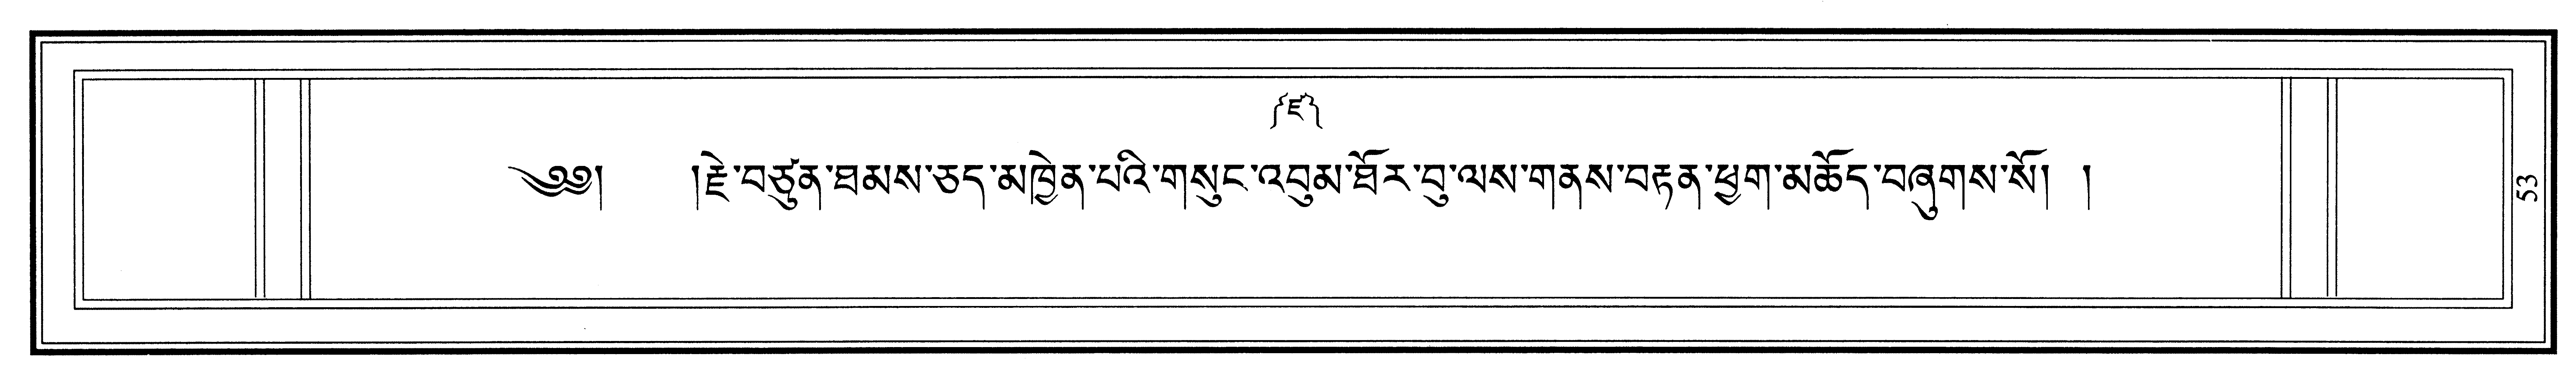༄༅། །རྗེ་བཙུན་ཐམས་ཅད་མཁྱེན་པའི་གསུང་འབུམ་ཐོར་བུ་ལས་གནས་བརྟན་ཕྱག་མཆོད་བཞུགས་སོ། །